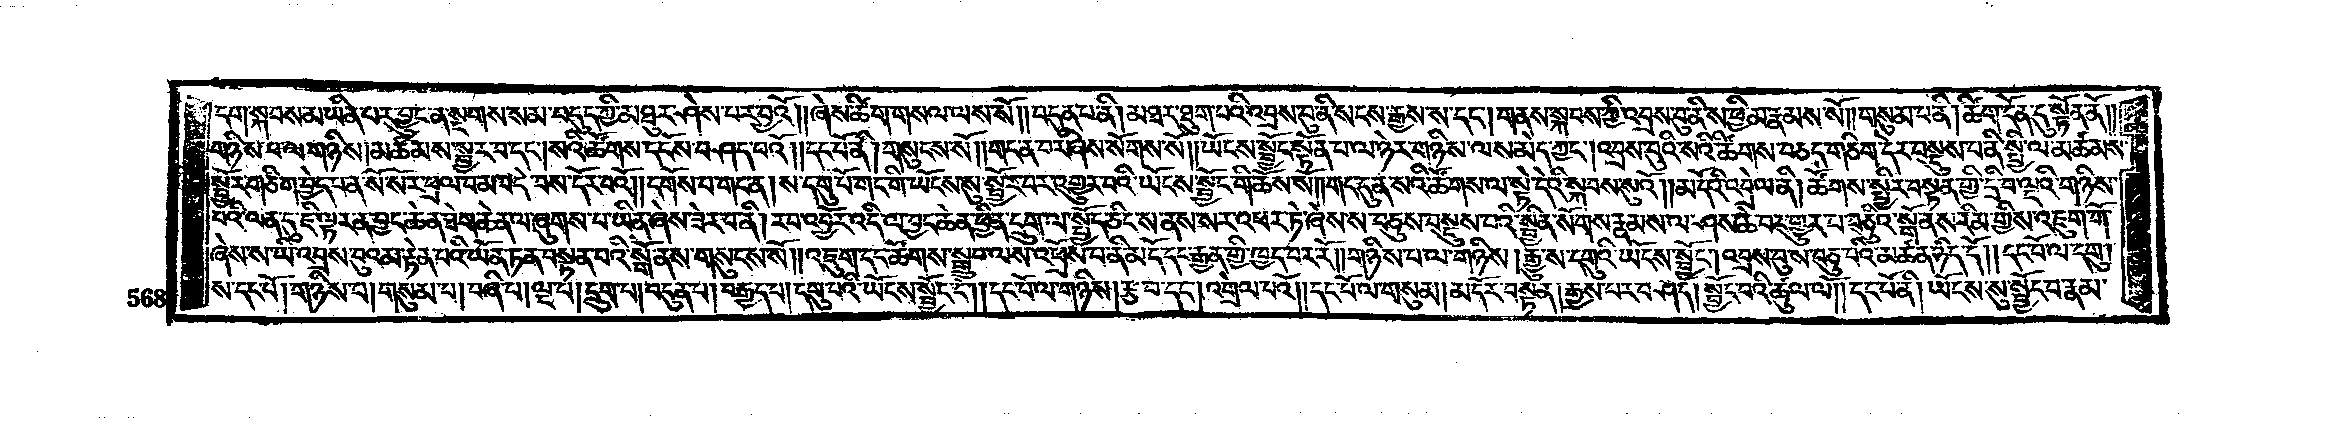དག་སྐབས་མ་ཡིན་པར་བྱུང་ན་སྔགས་སམ་བདུད་ཀྱི་མཐུར་ཤེས་པར་བྱའོ། །ཞེས་ཚིག་གསལ་ལས་སོ། །བདུན་པ་ནི། མཐར་ཐུག་པའི་འབྲས་བུ་ནི་སངས་རྒྱས་ས་དང་། གནས་སྐབས་ཀྱི་འབྲས་བུ་ནི་ས་ཕྱི་མ་རྣམས་སོ། །གསུམ་པ་ནི། ཚིག་དོན་དུ་སྟོན་ནོ། །
གཉིས་པ་ལ་གཉིས། མཚམས་སྦྱར་བ་དང་། སའི་ཚོགས་དངོས་བཤད་པའོ། །དང་པོ་ནི། གསུངས་སོ། །གང་ན་བར་ཞེས་སོགས་སོ། །ཡོངས་སྦྱོང་སྟོན་པ་ལ་ཉེར་གཉིས་ལས་མེད་ཀྱང་། འབྲས་བུའི་སའི་ཚིགས་བཅད་གཅིག་དེར་བསྡུས་པ་ནི་སྤྱི་ལ་མཚམས་
སྦྱོར་གཅིག་བྱེད་པ་ན་སོ་སོར་ཕྲལ་བ་མ་བདེ་བས་དོར་བའོ། །དགོས་པ་གང་ན། ས་དགུ་པོ་གང་གི་ཡོངས་སུ་སྦྱོར་བར་འགྱུར་བའི་ཡོངས་སྦྱོང་གི་ཆོས་སོ། །གང་དུ་ན་སའི་ཚོགས་ལ་སྟེ་དེའི་སྐབས་སུའོ། །མདོའི་འབྲེལ་ནི། ཚོགས་སྤྱིར་བསྟན་གྱི་དྲི་བ་ལྔའི་གཉིས་
པའི་ལན་དུ་ཇི་ལྟར་ན་བྱང་ཆེན་ཐེག་ཆེན་ལ་ཞུགས་པ་ཡིན་ཞེས་ཟེར་བ་ནི། རབ་འབྱོར་འདི་ལ་བྱང་ཆེན་ཕྱིན་དྲུག་ལ་སྤྱོད་ཅིང་ས་ནས་སར་འཕར་ཏེ་ཞེས་ས་བཅུས་བསྡུས་པའི་སྦྱིན་སོགས་རྣམས་ལ་ཤས་ཆེ་བར་གྱུར་པ་བཅུའི་སྒོ་ནས་རིམ་གྱིས་འཇུག་གོ་
ཞེས་ས་ཡི་འབྲས་བུའམ་རྟེན་པའི་ཡོན་ཏན་བསྟན་པའི་སྒོ་ནས་གསུངས་སོ། །འཇུག་དང་ཚོགས་སྒྲུབ་ལས་འཕྲོས་པ་ནི་མདོ་དང་རྒྱན་གྱི་ཁྱད་པར་རོ། །གཉིས་པ་ལ་གཉིས། རྒྱུ་ས་དགུའི་ཡོངས་སྦྱོང་། འབྲས་བུ་ས་བཅུ་པའི་མཚན་ཉིད་དོ། །དང་པོ་ལ་དགུ།
ས་དང་པོ། གཉིས་པ། གསུམ་པ། བཞི་པ། ལྔ་པ། དྲུག་པ། བདུན་པ། བརྒྱད་པ། དགུ་པའི་ཡོངས་སྦྱོང་ངོ། །དང་པོ་ལ་གཉིས། རྩ་བ་དང་། འགྲེལ་བའོ། །དང་པོ་ལ་གསུམ། མདོར་བསྟན། རྒྱས་པར་བཤད། སྦྱོང་བའི་ཚུལ་ལོ། །དང་པོ་ནི། ཡོངས་སུ་སྦྱོང་བ་རྣམ་